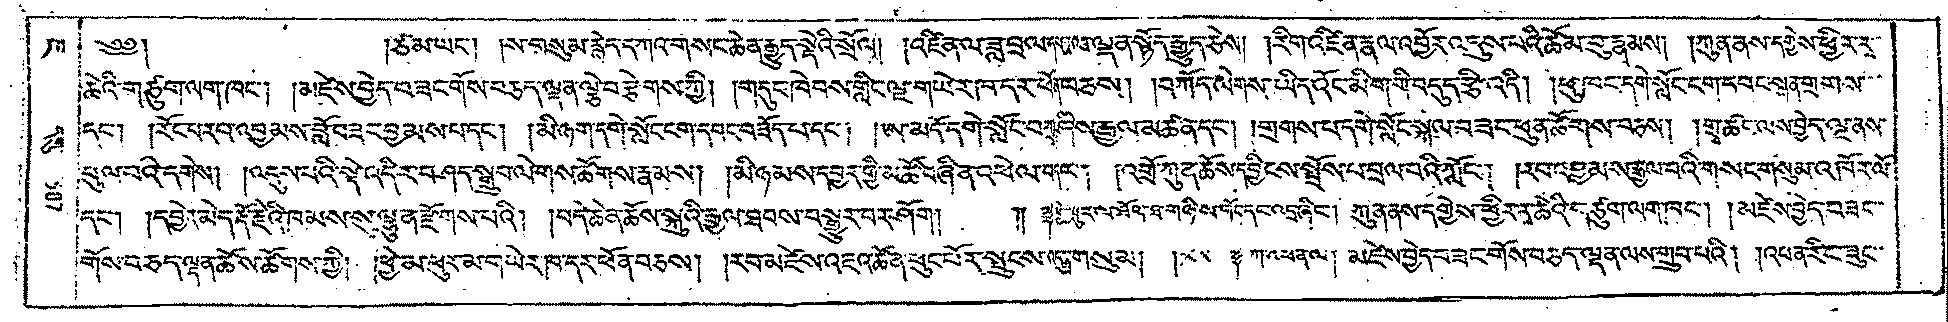༄༅། །ཙམ་ཡང་། །ས་གསུམ་རྙེད་དཀའ་གསང་ཆེན་རྒྱུད་སྡེའི་སྲོལ། །འཛིན་ལ་ཟླ་བྲལ་དཔལ་ལྡན་སྟོད་རྒྱུད་ཅེས། །རིག་འཛིན་རྣལ་འབྱོར་འདུས་པའི་ཚོམ་བུ་རྣམས། །ཀུན་ནས་དགྱེས་ཕྱིར་རྭ་
ཆེའི་གཙུག་ལག་ཁང་། །མཛེས་བྱེད་བཟང་གོས་བཅད་ལྡན་ལྕེ་བརྩེགས་ཀྱི། །གདུང་ཁེབས་གླིང་ལྔ་གཡེར་ཁ་དར་ཕོན་བཅས། །བཀོད་ལེགས་ཡིད་འོང་མིག་གི་བདུད་རྩི་འདི། །ཕུ་ཁང་དགེ་སློང་ངག་དབང་སྙན་གྲགས་
དང་། །རོང་པ་རབ་འབྱམས་བློ་བཟང་བྱམས་པ་དང་། །མི་ཉག་དགེ་སློང་ངག་དབང་བཟོད་པ་དང་། །ཨ་མདོ་དགེ་སློང་བཀྲ་ཤིས་རྒྱལ་མཚན་དང་། །གྲགས་པ་དགེ་སློང་སྐལ་བཟང་ཕུན་ཚོགས་བཅས། །གྲྭ་ཚང་ལས་བྱེད་ལྔ་ནས་
ཕུལ་བའི་དགེས། །འདུས་པའི་སྡེ་འདིར་བཤད་སྒྲུབ་ལེགས་ཚོགས་རྣམས། །མི་ཉམས་དབྱར་གྱི་མཚོ་བཞིན་འཕེལ་བ་དང་། །འགྲོ་ཀུན་ཆོས་དབྱིངས་སྤྲོས་པ་བྲལ་བའི་ཀློང་། །རབ་འབྱམས་རྒྱལ་བའི་གསང་གསུམ་འཁོར་ལོ་
དང་། །དབྱེར་མེད་རྡོ་རྗེའི་ཁམས་སུ་ལྷུན་རྫོགས་པའི། །བདེ་ཆེན་ཆོས་སྐུའི་རྒྱལ་ཐབས་བསྒྱུར་བར་ཤོག ། །། ༈ ཕྱེ་ཕུར་ལ་ཐོག་ཐ་གཉིས་གོང་དང་འདྲ་ཞིང་།  ཀུན་ནས་དགྱེས་ཕྱིར་རྭ་ཆེའི་གཙུག་ལག་ཁང་། །མཛེས་བྱེད་བཟང་
གོས་བཅད་ལྡན་ཆོས་ཚོགས་ཀྱི། །ཕྱེ་མ་ཕུར་མ་གཡེར་ཁ་དར་ཕོན་བཅས། །རབ་མཛེས་འཇའ་ཚོན་ཕུང་པོར་སྤུངས་འདྲ་གསུམ། །྾་྾་༈ ཀ་འཕན་ལ།  མཛེས་བྱེད་བཟང་གོས་བཅད་ལྡན་ལས་གྲུབ་པའི། །འཕན་རིང་ཟུང་